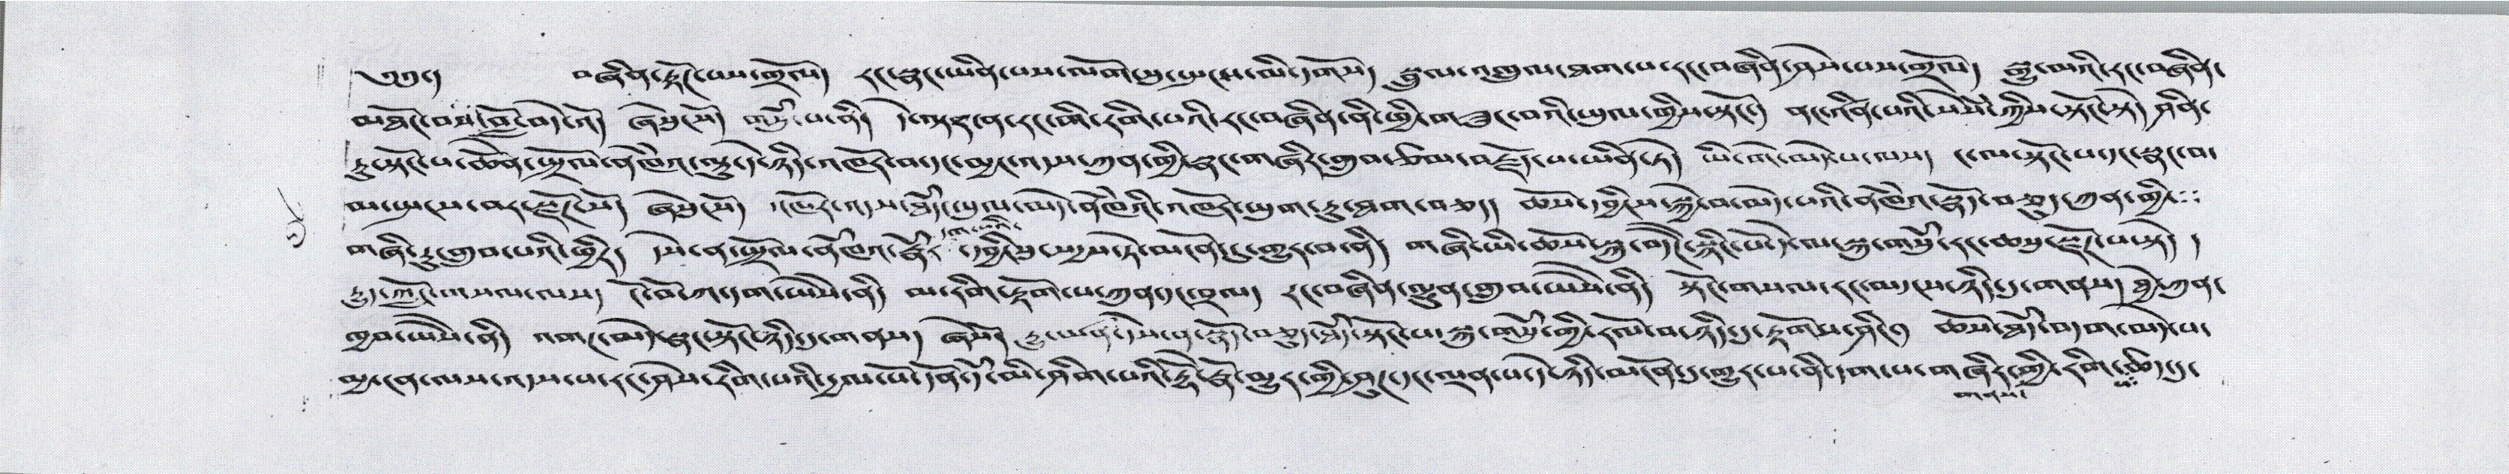བཞིན་རྟོགས་པས་གྲོལ། རང་སྣང་ཡིན་པས་ལོག་སུ་སྤངས་མི་དགོས། སྦྲུལ་འཁྲུལ་ཐག་པ་རང་བཞིན་ཤེས་པས་གྲོལ། སྒྱུ་མའི་རང་བཞིན་
མཐོང་བས་བློ་བདེ་འོ། ཞེས་གསུངས་སོ། གསུམ་པ་ནི། དེ་ལྟར་ན་རང་གི་རིག་པའི་རང་བཞིན་ནི་ཕྱི་གཟུང་བའི་ཡུལ་གྱིས་སྟོང། ནང་འཛིན་པའི་སེམས་ཀྱིས་སྟོང་སྟེ། ཤིན་
ཏུ་སྟོང་པ་ཆེན་པོ་སྤྲོས་བྲལ་ནམ་མཁའ་ལྟ་བུ་དེ་ཉིད་འཁོར་བ་དང་མྱང་འདས་ཀུན་གྱི་སྣང་གཞིར་གྲུབ་ཙམ་བརྗོད་པ་ཡིན་ཏེ། ཡི་གེ་མེད་པ་ལས། ང་ལ་སྟོང་པ་དང་སྣང་བ་
མ་སྤངས་བར་རྫོགས་སོ། ཞེས་གསུངས་སོ། འཁོར་འདས་ཐམས་ཅད་ཡུལ་མེད་ནམ་མཁའི་འཁོར་ཡུག་ཏུ་ཐག་བཅད། ཆོས་དབྱིངས་སྐྱེ་བ་མེད་པའི་ནམ་མཁའ་སྣོད་བཅུད་ཀུན་གྱི་
གཞི་རུ་གྲུབ་པའི་ཕྱིར། དེས་ན་སྤྲོས་བྲལ་ནམ་མཁའ་རྣམ་པར་དག་པའི་དབྱིངས་སུ་སངས་རྒྱས་ཏེ་མངོན་དུ་གྱུར་བ་ནི། གཞི་ཡི་ཆོས་སྐུ་བདེ་གཤེགས་སྙིང་པོ་དེ་ལ་སྐུ་གསུམ་རང་ཆས་སུ་རྫོགས་པ་སྟེ། 
རྒྱུད་ཀློང་གསལ་ལས། ངོ་བོ་ཀ་དག་ཡེ་ཤེས་ནི། མ་རིག་རྟོག་པ་ཀུན་དང་བྲལ། རང་བཞིན་ལྷུན་གྲུབ་ཡེ་ཤེས་ནི། སྟོང་གསལ་རང་མདངས་ཉིད་དུ་གནས། ཐུགས་རྗེ་ཀུན་
ཁྱབ་ཡེ་ཤེས་ནི། འགགས་མེད་སྣང་སྟོང་ཉིད་དུ་གནས། ཞེས་སོ། རྒྱུ་མཚན་དེས་ན་སྣོད་བཅུད་ཐམས་ཅད་སྟོང་པ་སྐུ་གསུམ་གྱི་རོལ་བ་ཉིད་དུ་རྟོགས་ཤིང། ཆོས་ཐམས་ཅད་བདག་མེད་པ་
མྱ་ངན་ལས་འདས་པ་རང་ཤེས་རིག་པའི་རྒྱལ་པོ་དམ་དམ་མི་ཤིག་པའི་རྡོ་རྗེ་རྣོ་མྱུར་གྱི་ཤུགས་དང་ལྡན་པ་དེ་ཉིད་མངོན་དུ་གྱུར་པ་ནི་དག་པ་གཞིར་གནས་ཀྱི་རིག་པ་ཚད་དུ་